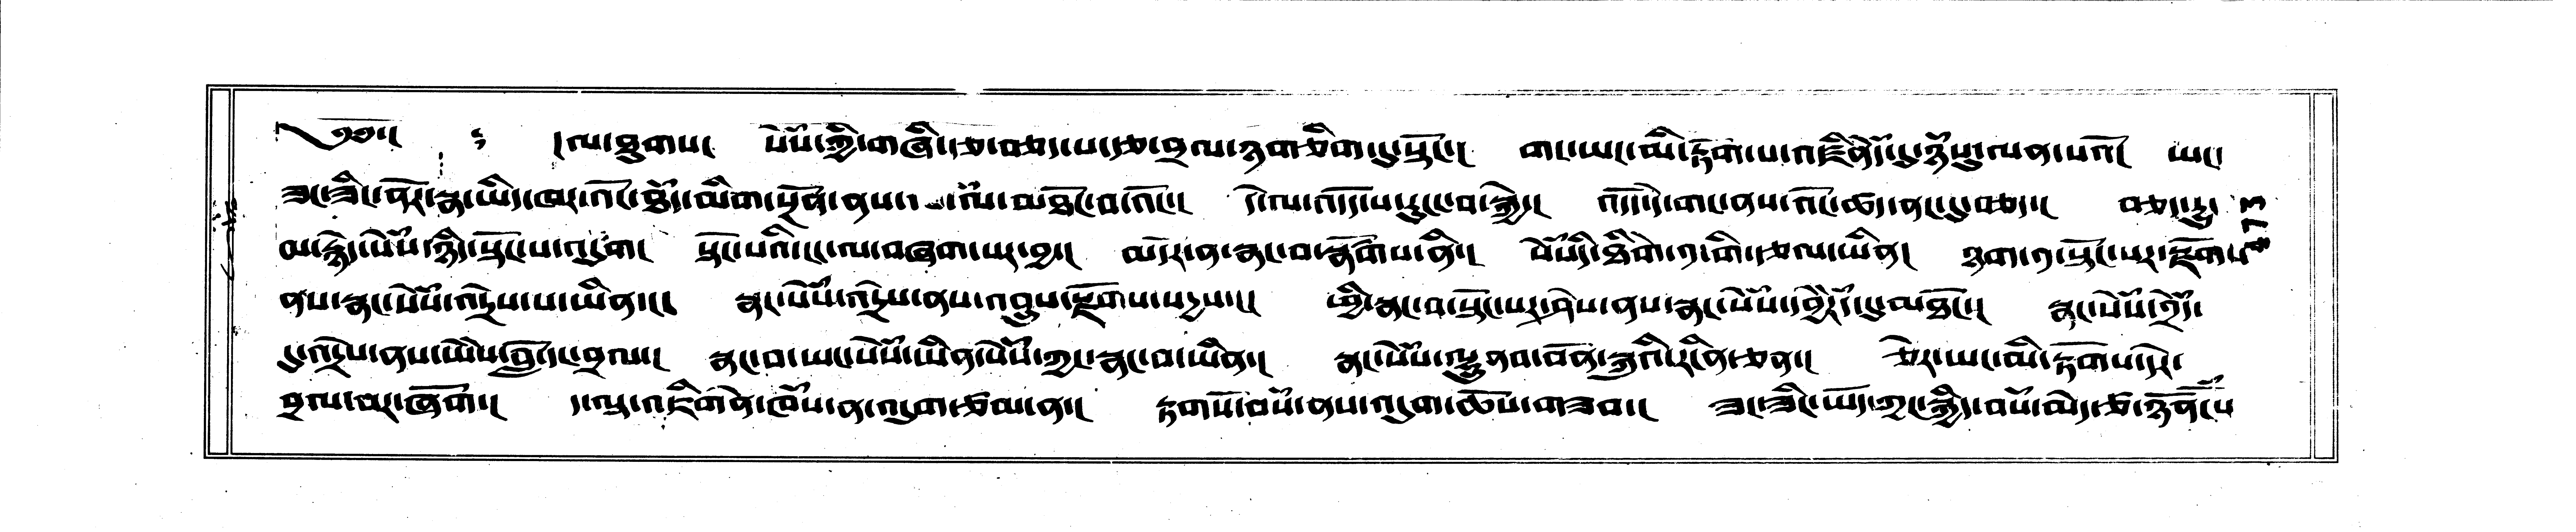ལ་ཐུག། སེམས་ཀྱིས་གཞི་རྩ་བཅད་པས་རྩ་བྲལ་ཉག་ཅིག་ཏུ་སྟོང་། གང་ལ་ཡང་མི་རྟོགས་འཛིན་མེད་དུ་ཉམས་སུ་ལེན་པའོ། ཡང་
ཟང་ཟིང་ནོར་སྣ་ཡིད་ཁར་འོང་པ་ཐམས་ཅད་མིག་སྔུན་ན་ལམ་ལམ་མཐོང་པ་འོང་། དེ་ལ་འདོད་པ་རུང་རུང་བ་སྐྱེ། འདོད་པ་དེ་གང་ནས་འོང་རྩད་ནང་དུ་བཅད། བཅད་རྒྱུ་
མ་རྙེད་སེམས་ཉིད་སྟོང་པ་ལ་ཐུག། སྟོང་པ་དེའི་ངང་ལ་བཞག་པར་བྱ། མདོར་ན་སྣང་བ་སྣ་ཚོགས་ནི། སེམས་ཐིག་ལེ་ཉག་ཅིག་གིས་རྩལ་ཡིན། ཉག་ཅིག་སྟོང་པར་རྟོགས་
ན་སྣང་སེམས་འདྲེས་པ་ཡིན། སྣང་སེམས་འདྲེས་ནས་འབྲས་བུ་རྫོགས་སངས་རྒྱས། ཕྱི་སྣང་བ་སྟོང་པར་ཤེས་ན། སྣང་སེམས་དབྱེར་དུ་མཐོང་། སྣང་སེམས་དབྱེར་
ཏུ་འདྲེས་ན་ཡེ་ཤེས་བློ་དང་བྲལ། སྣང་བ་ཡང་སེམས་ཡིན་ལ། སེམས་ཀྱང་སྣང་བ་ཡིན་ནོ། སྣང་སེམས་ལྷུན་གྲུབ་བོན་སྐུའི་རང་བཞིན་ཅན། ཅིར་ཡང་མི་རྟོགས་དེར་
འཛིན་བྲལ་བར་ཞོག ད་ལྟ་འཇིག་རྟེན་ཁམས་ན་འདུག་ཙམ་ན། རྟག་སོ་༼གོ༽བསམ་ནས་འདུག་ཆིས་གཟབ། ཟང་ཟིང་ཡོད་ཀྱང་སྐྱེད་བསམ་མེད་ཙ་ཉོན་མོངས་